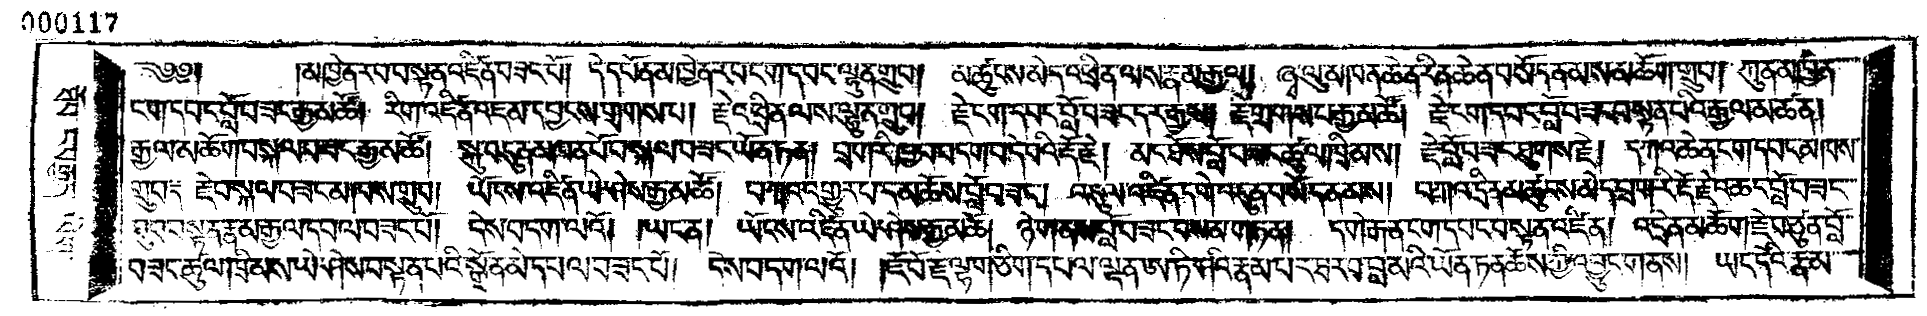༄༅། །མཁྱེན་རབ་བསྟན་འཛིན་བཟང་པོ། དེ་དཔོན་མཁྱེན་རབ་ངག་དབང་ལྷུན་གྲུབ། མཚུངས་མེད་འཕྲིན་ལས་རྣམ་རྒྱལ། ཞྭ་ལུ་མཁན་ཆེན་རིན་ཆེན་བསོད་ནམས་མཆོག་གྲུབ། ཀུན་མཁྱེན་
ངག་དབང་བློ་བཟང་རྒྱ་མཚོ། རིག་འཛིན་འཇམ་དབྱངས་གྲགས་པ། རྗེ་འཕྲིན་ལས་ལྷུན་གྲུབ། རྗེ་ངག་དབང་བློ་བཟང་དར་རྒྱས། རྗེ་གྲགས་པ་རྒྱ་མཚོ། རྗེ་ངག་དབང་བློ་བཟང་བསྟན་པའི་རྒྱལ་མཚན།
རྒྱལ་མཆོག་བསྐལ་བཟང་རྒྱ་མཚོ། སྐུ་བདུན་མཁན་པོ་བསྐལ་བཟང་ཡོན་ཏན། བྲག་རི་ཁྱབ་བདག་བདེ་བའི་རྡོ་རྗེ། མང་ཐོས་བློ་བཟང་ཚུལ་ཁྲིམས། རྗེ་བློ་བཟང་ཐུགས་རྗེ། དཀའ་ཆེན་ངག་དབང་མཁས་
གྲུབ༑ རྗེ་བསྐལ་བཟང་མཁས་གྲུབ། ཡོངས་འཛིན་ཡེ་ཤེས་རྒྱ་མཚོ། བཀའ་འགྱུར་པ་དམ་ཆོས་བློ་བཟང་། འདུལ་འཛིན་དགེ་འདུན་བསོད་ནམས། བཀའ་དྲིན་མཚུངས་མེད་བྲག་རི་རྡོ་རྗེ་འཆང་བློ་བཟང་
ཐུབ་བསྟན་རྣམ་རྒྱལ་དཔལ་བཟང་པོ། དེས་བདག་ལའོ། །ཡང་ན། ཡོངས་འཛིན་ཡེ་ཤེས་རྒྱ་མཚོ། ཉེ་གནས་བློ་བཟང་བསམ་གཏན། དགེ་རྒན་ངག་དབང་བསྟན་འཛིན། འདྲེན་མཆོག་རྗེ་བཙུན་བློ་
བཟང་ཚུལ་ཁྲིམས་ཡེ་ཤེས་བསྟན་པའི་སྒྲོན་མེ་དཔལ་བཟང་པོ། དེས་བདག་ལའོ། །ཇོ་བོ་རྗེ་ལྷ་གཅིག་དཔལ་ལྡན་ཨ་ཏི་ཤའི་རྣམ་པར་ཐར་བ་བླ་མའི་ཡོན་ཏན་ཆོས་ཀྱི་འབྱུང་གནས། ཡང་དེའི་རྣམ་